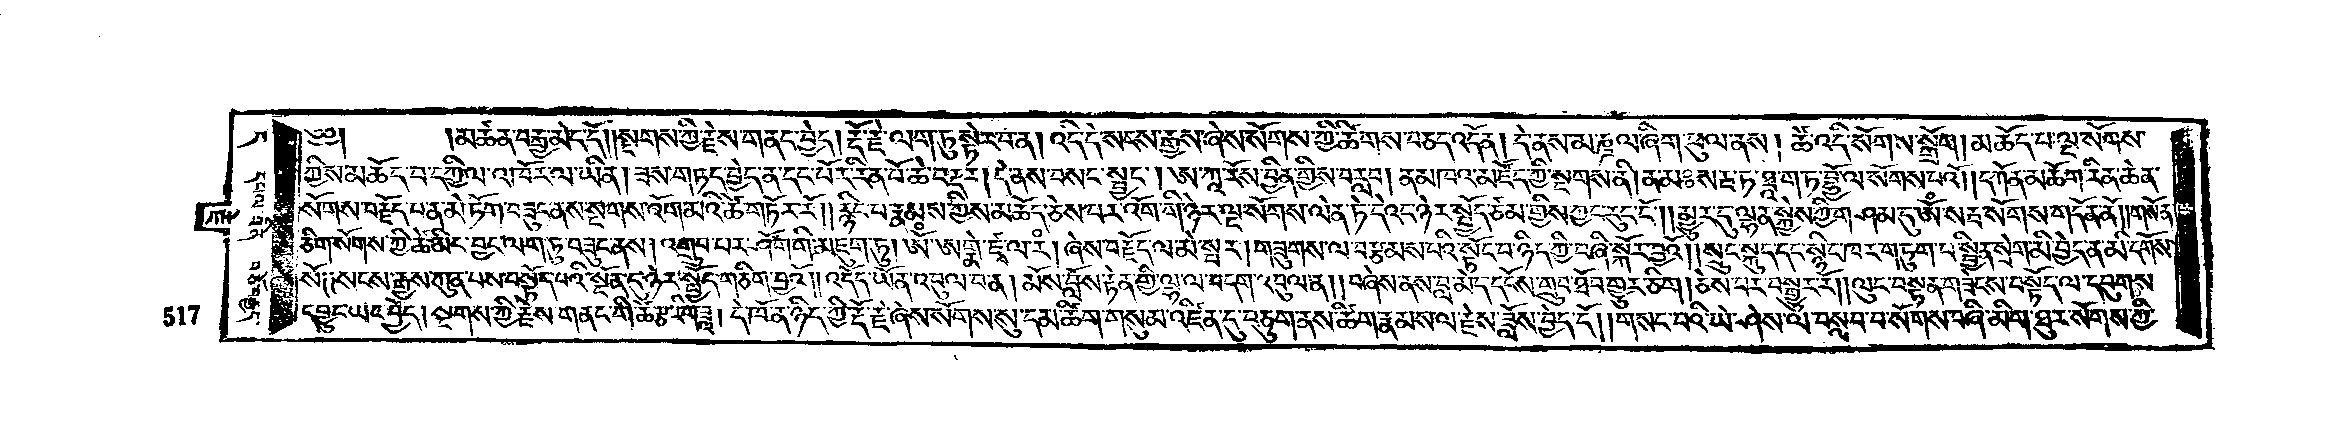༄༅། །མཚན་བརྒྱ་མེད་དོ། །སྔགས་ཀྱི་རྗེས་གནང་བྱེད། རྡོ་རྗེ་ལག་ཏུ་སྟེར་བ་ན། འདི་དེ་སངས་རྒྱས་ཞེས་སོགས་ཀྱི་ཚིགས་བཅད་འདོན། དེ་ནས་མཎྜལ་ཞིག་ཕུལ་ནས། ཚེ་འདི་སོགས་སྒྲོག། མཆོད་པ་ལྔ་སོགས་
ཀྱིས་མཆོད་པ་དཀྱིལ་འཁོར་ལ་ཡིན། ཟས་གཏད་བྱེད་ན་དང་པོར་རིན་པོ་ཆེ་བརྡར། དེ་ནས་བསང་སྦྱང་། ཨ་ཀཱ་རོས་བྱིན་གྱིས་བརླབ། ནམ་མཁའ་མཛོད་ཀྱི་སྔགས་ནི། ན་མཿ སརྦ་ཏ་ཐཱ་ག་ཏ་བྷྱོ་ལ་སོགས་པའོ། །དཀོན་མཆོག་རིན་ཆེན་
སོགས་བརྗོད་པ་ན་མེ་ཏོག་བཟུང་ནས་སྔགས་འོག་མའི་ཚེ་གཏོར་རོ། །རྙིང་པ་རྣམས་ཀྱིས་མཆོད་ཅེས་པར་འོག་གི་ཉེར་ལྔ་སོགས་ལེན་ཏེ་དེའང་ཉེར་སྤྱོད་ཙམ་གྱིས་ཀྱང་རུང་ངོ། །མྱུར་དུ་ལྷན་སྐྱེས་ཀྱི་གཤམ་དུ་ཨོཾ་སརྦ་སོགས་གདོན་ནོ། །གསོན་
ཅིག་སོགས་ཀྱི་ཚེ་མིང་བྱང་ལག་ཏུ་བཟུང་ནས། འགྲུབ་པར་ཤོག་མཇུག་ཏུ། ཨོཾ་ཨགྞེ་ཛྭ་ལ་རཾ། ཞེས་བརྗོད་ལ་མེ་སྤར། གཟུགས་ལ་བརྩམས་པའི་སྟོང་པ་ཉིད་ཀྱི་བཞི་སྐོར་བྱའོ། །སྲུང་སྐུད་དང་སྙིང་ཁར་གཏུག་པ་སྦྱིན་སྲེག་མི་བྱེད་ན་མི་དགོས་
སོ། །སངས་རྒྱས་ཀུན་པས་བསྟོད་པའི་སྔོན་དུ་ཉེར་སྤྱོད་གཅིག་བྱའོ། །འདོད་ཡོན་འབུལ་བ་ན། མོས་བློས་རྟེན་གྱི་ལྷ་ལ་བདག་འབུལ་ན། །བཞེས་ནས་བླ་མེད་དངོས་གྲུབ་ཐོབ་གྱུར་ཅིག །ཅེས་པར་བསྒྱུར་རོ། །ལུང་བསྟན་གཟེངས་བསྟོད་ལ་དབུགས་
དབྱུང་ཡང་བྱེད། སྔགས་ཀྱི་རྗེས་གནང་གི་ཚེ་རྩ་རིག་ཟླ། དེ་ཁོ་ན་ཉིད་ཀྱི་རྡོ་རྗེ་ཞེས་སོགས་སུ་དམ་ཚིག་གསུམ་འཛིན་དུ་བཅུག་ནས་ཚིག་རྣམས་ལ་རྗེས་ཟློས་བྱེད་དོ། །གསང་བའི་ཡེ་ཤེས་ལ་བསླབ་བ་སོགས་བཞི་མིག་ཐུར་སོགས་ཀྱི་